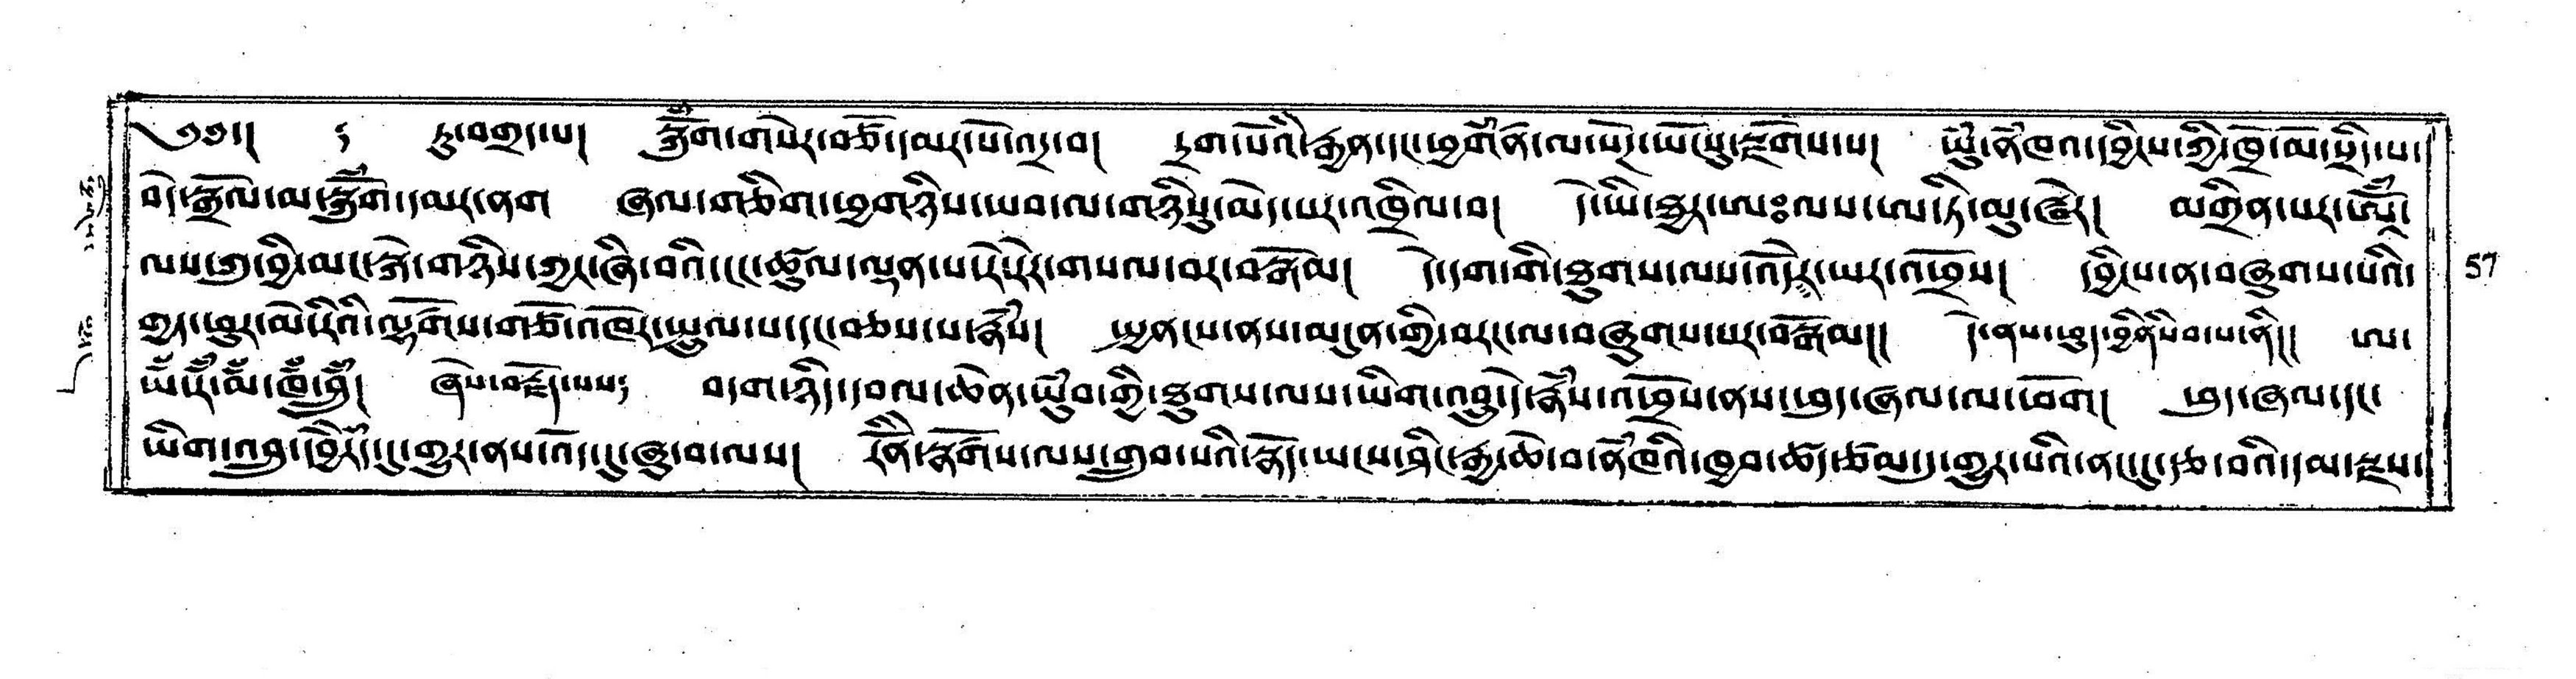ཏུ་བགྲད་པ། སྐུ་མདོག་གསེར་བཙོ་དམར་པོ་འདྲ་བ། དྲག་པོའི་རྒྱན་དང་ཕྱག་མཚན་ལ་སོགས་ཡོངས་སུ་རྫོགས་པ། ཡུམ་ནམ་མཁའ་དབྱིངས་ཀྱི་ཁྲོ་མོ་སྲིད་པ་
བདེ་སྒྲོལ་མ་སྐུ་མདོག་དམར་ནག ཞལ་གཅིག་ཕྱག་གཉིས་ཡབ་ལ་གཉིས་སུ་མེད་པར་འཁྲིལ་བ། དེ་ཡི་ཐུགས་ཀར་ཨཿལས་ཨ་ཏི་མུ་ཝེར། མགྲིན་པར་ཨཱོཾ་
ལས་ཀུ་བྱི་མང་སྐེ་གཉིས་ཀྱང་ཞི་བའི་ངང་ཚུལ་ལྡན་པ་རེ་རེར་གསལ་བར་བསྒོམ། དེ་དག་གི་ཐུགས་ལས་འོད་ཟེར་ཡར་འཕྲོས། དབྱིངས་ན་བཞུགས་པའི་
གྱད་ཕུར་མེ་རིའི་ལྷ་ཚོགས་གཙོ་འཁོར་སྤྲུལ་པ་དང་བཅས་པ་རྣམས། སྤྱན་དྲངས་ནས་མདུན་གྱི་བར་སྣང་ལ་བཞུགས་པར་བསྒོམ།། དེ་ནས་ཕུད་བྱིན་གྱིས་བརླབས་པ་ནི།། ཨ་
ཡྃ་རྃ་མྃ་ཁྃ་བྲུྃ། ཞེས་བརྗོད་པས བདག་ཉིད་དབལ་ཆེན་ཡབ་ཡུམ་གྱི་ཐུགས་ལས་ཡིག་འབྲུ་དེ་རྣམས་འཕྲོས་ནས་ཕུད་ཞལ་ལ་ཕོག ཕུད་ཞལ་དང་
ཡིག་འབྲུ་དབྱེར་མེད་དུ་གྱུར་ནས་འོད་དུ་ཞུ་བ་ལས། རིན་པོ་ཆེ་སྣ་ཚོགས་ལས་གྲུབ་པའི་སྣོད་ཡངས་ཤིང་རྒྱ་ཆེ་བ་ནམ་མཁའི་ཁྱབ་ཚད་ཙམ་དུ་གྱུར་པའི་ནང་དུ་རྩ་བའི་དམ་རྫས་